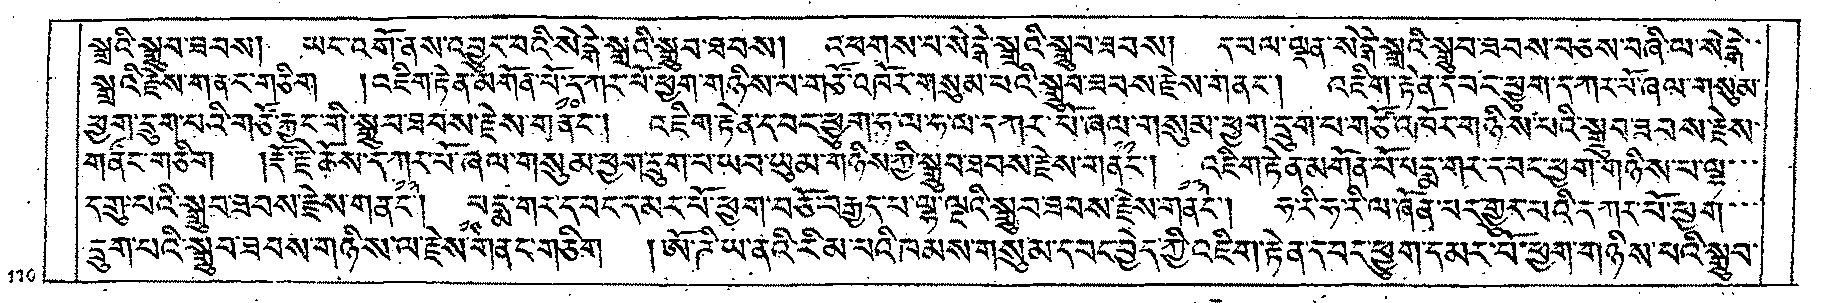སྒྲའི་སྒྲུབ་ཐབས། ཡང་འགོ་ནས་འབྱུང་བའི་སེངྒེ་སྒྲའི་སྒྲུབ་ཐབས། འཕགས་པ་སེངྒེ་སྒྲའི་སྒྲུབ་ཐབས། དཔལ་ལྡན་སེངྒེ་སྒྲའི་སྒྲུབ་ཐབས་བཅས་བཞི་ལ་སེངྒེ་
སྒྲའི་རྗེས་གནང་གཅིག །འཇིག་རྟེན་མགོན་པོ་དཀར་པོ་ཕྱག་གཉིས་པ་གཙོ་འཁོར་གསུམ་པའི་སྒྲུབ་ཐབས་རྗེས་གནང་། འཇིག་རྟེན་དབང་ཕྱུག་དཀར་པོ་ཞལ་གསུམ་
ཕྱག་དྲུག་པའི་གཙོ་རྐྱང་གི་སྒྲུབ་ཐབས་རྗེས་གནང ༡༠། འཇིག་རྟེན་དབང་ཕྱུག་ཧ་ལ་ཧ་ལ་དཀར་པོ་ཞལ་གསུམ་ཕྱག་དྲུག་པ་གཙོ་འཁོར་གཉིས་པའི་སྒྲུབ་ཐབས་རྗེས་
གནང ༩་གཅིག །རྡོ་རྗེ་ཆོས་དཀར་པོ་ཞལ་གསུམ་ཕྱག་དྲུག་པ་ཡབ་ཡུམ་གཉིས་ཀྱི་སྒྲུབ་ཐབས་རྗེས་གནང ༡༡། འཇིག་རྟེན་མགོན་པོ་པདམ་གར་དབང་ཕྱག་གཉིས་པ་ལྷ་
དགུ་པའི་སྒྲུབ་ཐབས་རྗེས་གནང ༡༢། པདམ་གར་དབང་དམར་པོ་ཕྱག་བཅོ་བརྒྱད་པ་ལྷ་ལྔའི་སྒྲུབ་ཐབས་རྗེས་གནང ༡༣། ཧ་རི་ཧ་རི་ལ་ཞོན་པར་གྱུར་པའི་དཀར་པོ་ཕྱག་
དྲུག་པའི་སྒྲུབ་ཐབས་གཉིས་ལ་རྗེས་གནང ༡༤་གཅིག །ཨོ་ཌི་ཡ་ནའི་རིམ་པའི་ཁམས་གསུམ་དབང་བྱེད་ཀྱི་འཇིག་རྟེན་དབང་ཕྱུག་དམར་པོ་ཕྱག་གཉིས་པའི་སྒྲུབ་